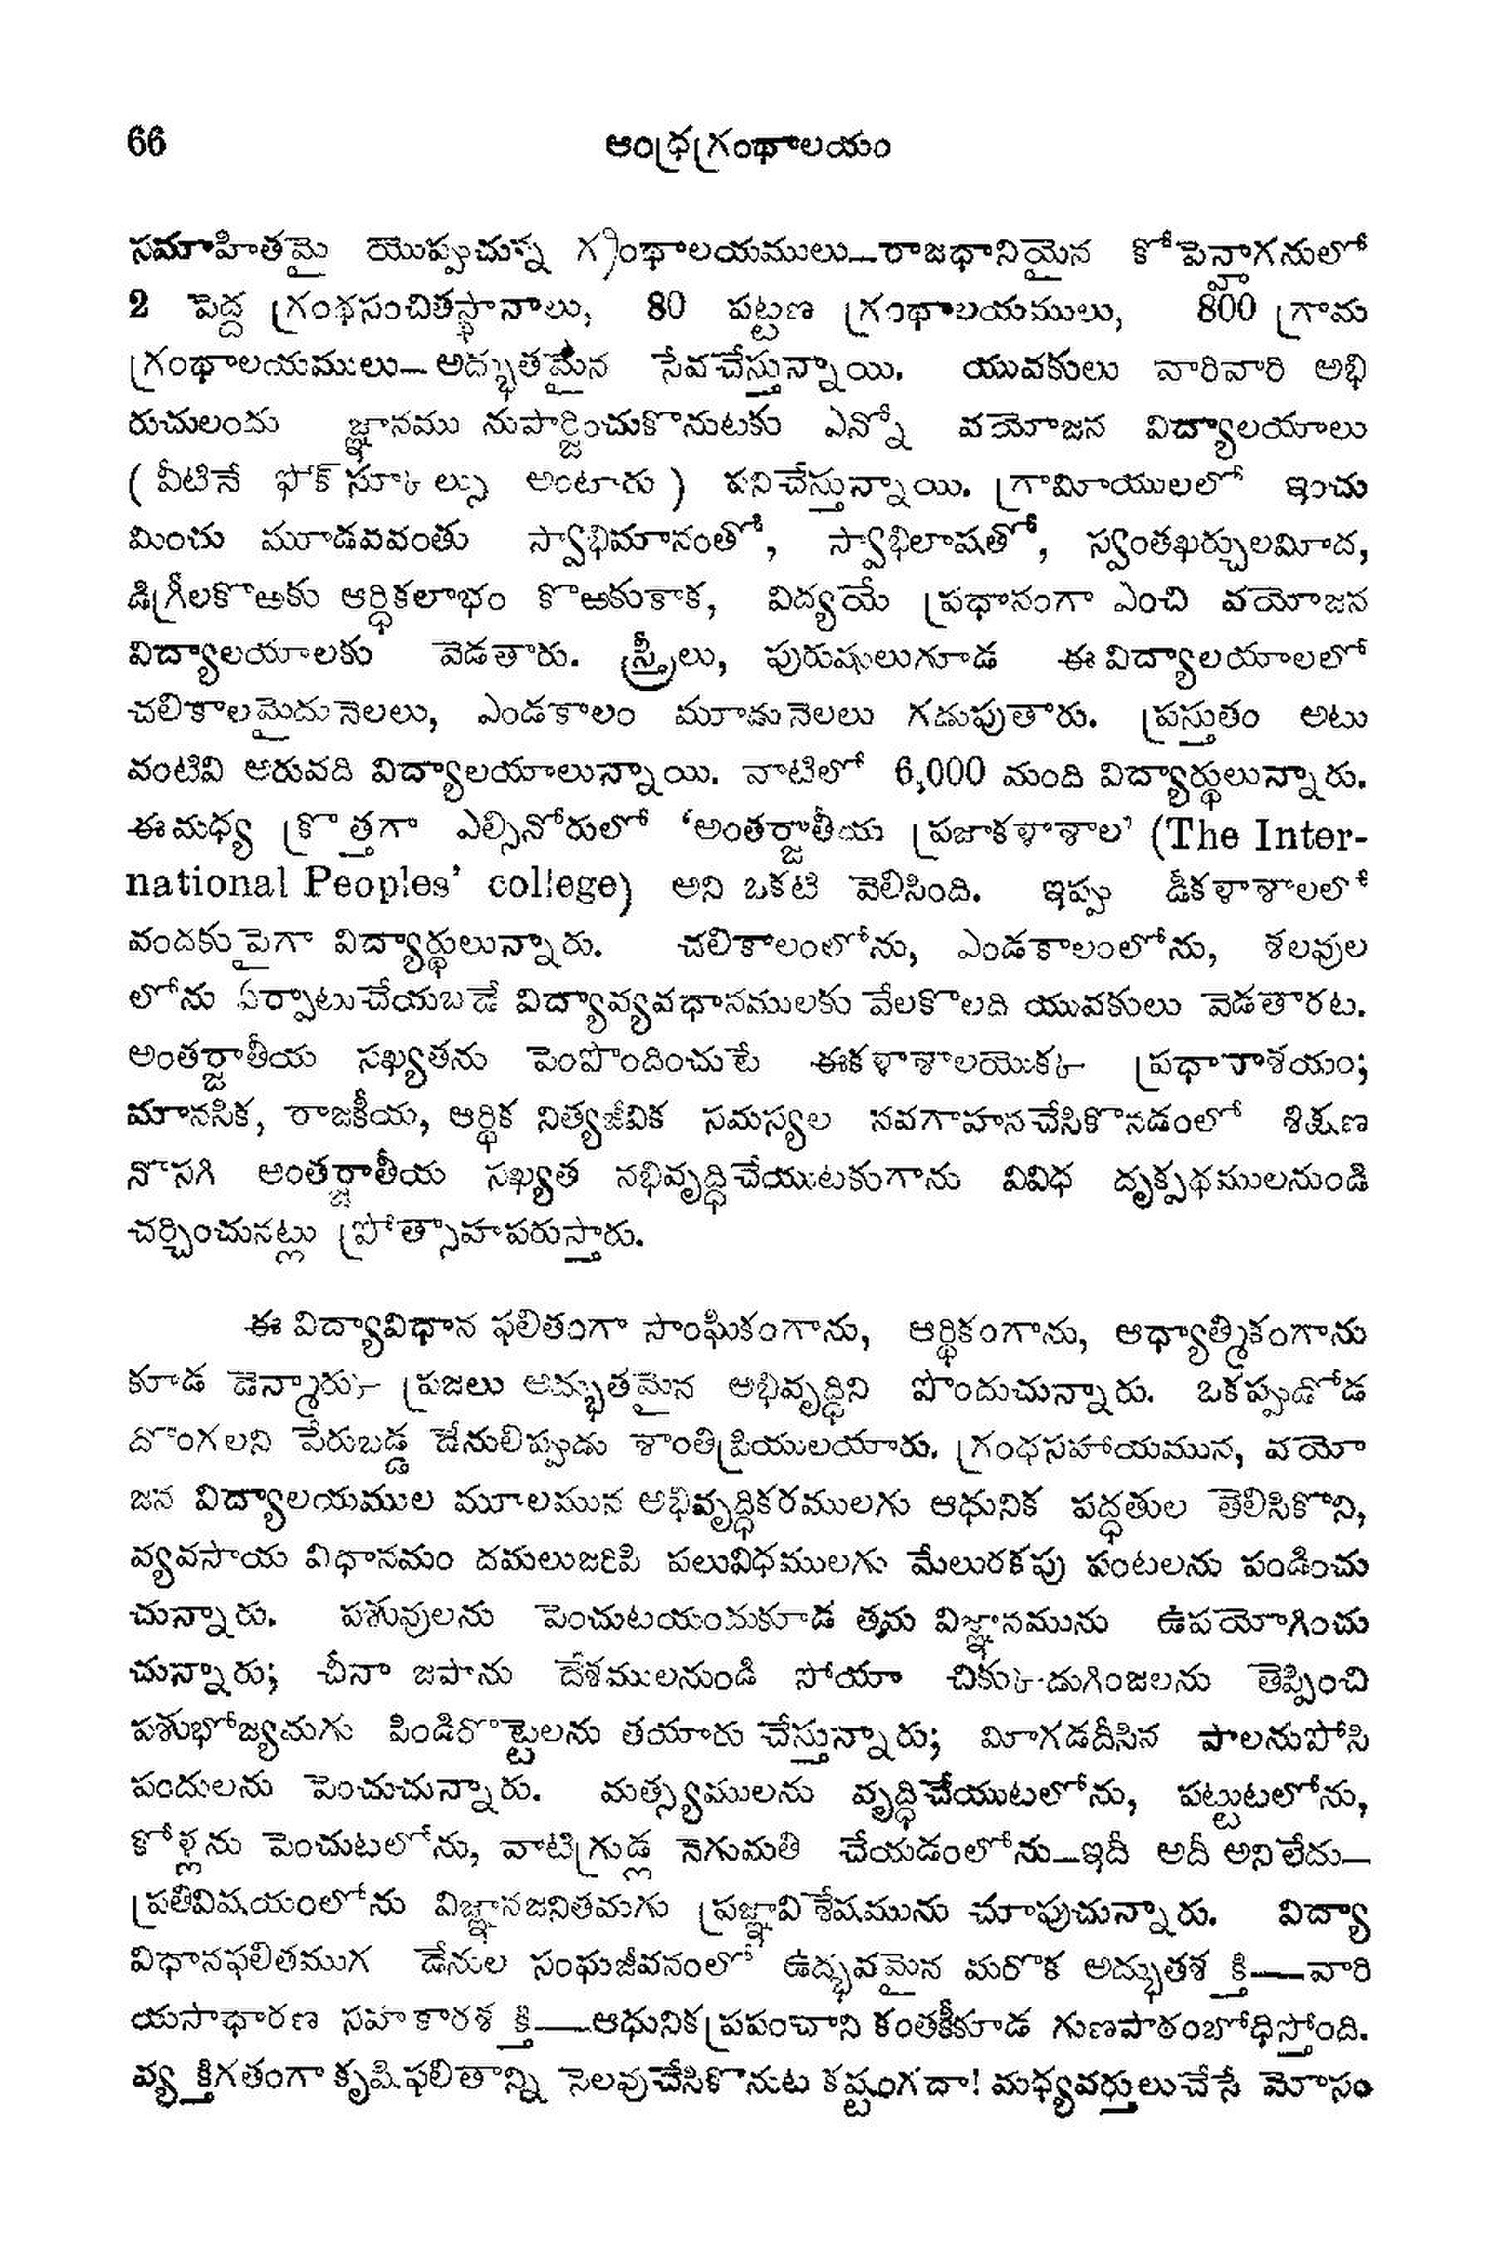సమాహితమై యొప్పుచున్న గ్రంథాలయములు - రాజధానియైన కోపెన్హాగనులో 2 పెద్ద గ్రంథసంచిత స్థానాలు, 80 పట్టణ గ్రంథాలయములు, 800 గ్రామ గ్రంథాలయములు - అద్భుతమైన సేవచేస్తున్నాయి. యువకులు వారివారి అభిరుచులందు జ్ఞానము నుపార్జించుకొనుటకు ఎన్నో వయోజన విద్యాలయాలు (వీటినే ఫోక్ స్కూల్సు అంటారు) పనిచేస్తున్నాయి. గ్రామీయులలో ఇంచు మించు మూడవవంతు స్వాభిమానంతో, స్వాభిలాషతో, స్వంతఖర్చులమీద, డిగ్రీల కొఱకు ఆర్ధికలాభం కొఱకుకాక, విద్యయే ప్రధానంగా ఎంచి వయోజన విద్యాలయాలకు వెడతారు. స్త్రీలు, పురుషులుగూడ 
ఈవిద్యాలయాలలో చలికాలమైదు నెలలు, ఎండకాలం మూడు నెలలు గడుపుతారు. ప్రస్తుతం అటు వంటివి ఆరువది విద్యాలయాలున్నాయి. వాటిలో 6,000 మంది విద్యార్థులున్నారు. ఈ మధ్య క్రొత్తగా ఎల్సినోరులో 'అంతర్జాతీయ ప్రజాకళాశాల' (The Inter-national Peoples' college) అని ఒకటి వెలిసింది. ఇప్పు డీకళాశాలలో
వందకు పైగా విద్యార్థులున్నారు. చలికాలంలోను, ఎండకాలంలోను, శలవుల లోను 
ఏర్పాటు చేయబడే విద్యావ్యవధానములకు వేలకొలది యువకులు వెడతారట.
అంతర్జాతీయ సఖ్యతను పెంపొందించుటే ఈకళాశాల యొక్క ప్రధానాశయం;
మానసిక, రాజకీయ, ఆర్థిక నిత్యజీవిక సమస్యల నవగాహన చేసికొనడంలో శిక్షణ
నొసగి అంతర్జాతీయ సఖ్యత అభివృద్ధి చేయుటకుగాను వివిధ దృక్పథములనుండి
చర్చించునట్లు ప్రోత్సాహపరుస్తారు.

ఈ విద్యావిధాన ఫలితంగా సాంఘికంగాను, ఆర్థికంగాను, ఆధ్యాత్మికంగాను కూడ 
డెన్మార్కు ప్రజలు అద్భుతమైన అభివృద్ధిని పొందుచున్నారు. ఒకప్పుడోడ దొంగలని పేరుబడ్డ డేనులిప్పుడు శాంతిప్రియులయారు. గ్రంధసహాయమున, వయోజన విద్యాలయముల మూలమున అభివృద్ధికరములగు ఆధునిక పద్ధతులు తెలిసికొని,
వ్యవసాయ విధానమం దమలుజరిపి పలువిధములగు మేలురకపు పంటలను పండించు
చున్నారు. పశువులను పెంచుటయందు కూడ తమ విజ్ఞానమును ఉపయోగించు
చున్నారు; చీనా జపాను దేశములనుండి సోయా చిక్కుడుగింజలను తెప్పించి
పశుభోజ్యమగు పిండిరొట్టెలను తయారు చేస్తున్నారు; మీగడదీసిన పాలనుపోసి
పందులను పెంచుచున్నారు. మత్స్యములను వృద్ధిచేయుటలోను, పట్టుటలోను,
కోళ్లను పెంచుటలోను, వాటిగ్రుడ్ల నెగుమతి చేయడంలోను - ఇదీ అదీ అని లేదు —
ప్రతివిషయంలోను విజ్ఞానజనితమగు ప్రజ్ఞావిశేషమును చూపుచున్నారు. విద్యా
విధానఫలితముగ డేనుల సంఘజీవనంలో ఉద్భవమైన మరొక అద్భుతశక్తి - వారి
యసాధారణ సహకారశక్తి - ఆధునిక ప్రపంచాని కంతకీకూడ గుణపాఠంబోధిస్తోంది.
వ్యక్తిగతంగా కృషి ఫలితాన్ని సెలవు చేసికొనుట కష్టంగదా! మధ్యవర్తులు చేసే మోసం